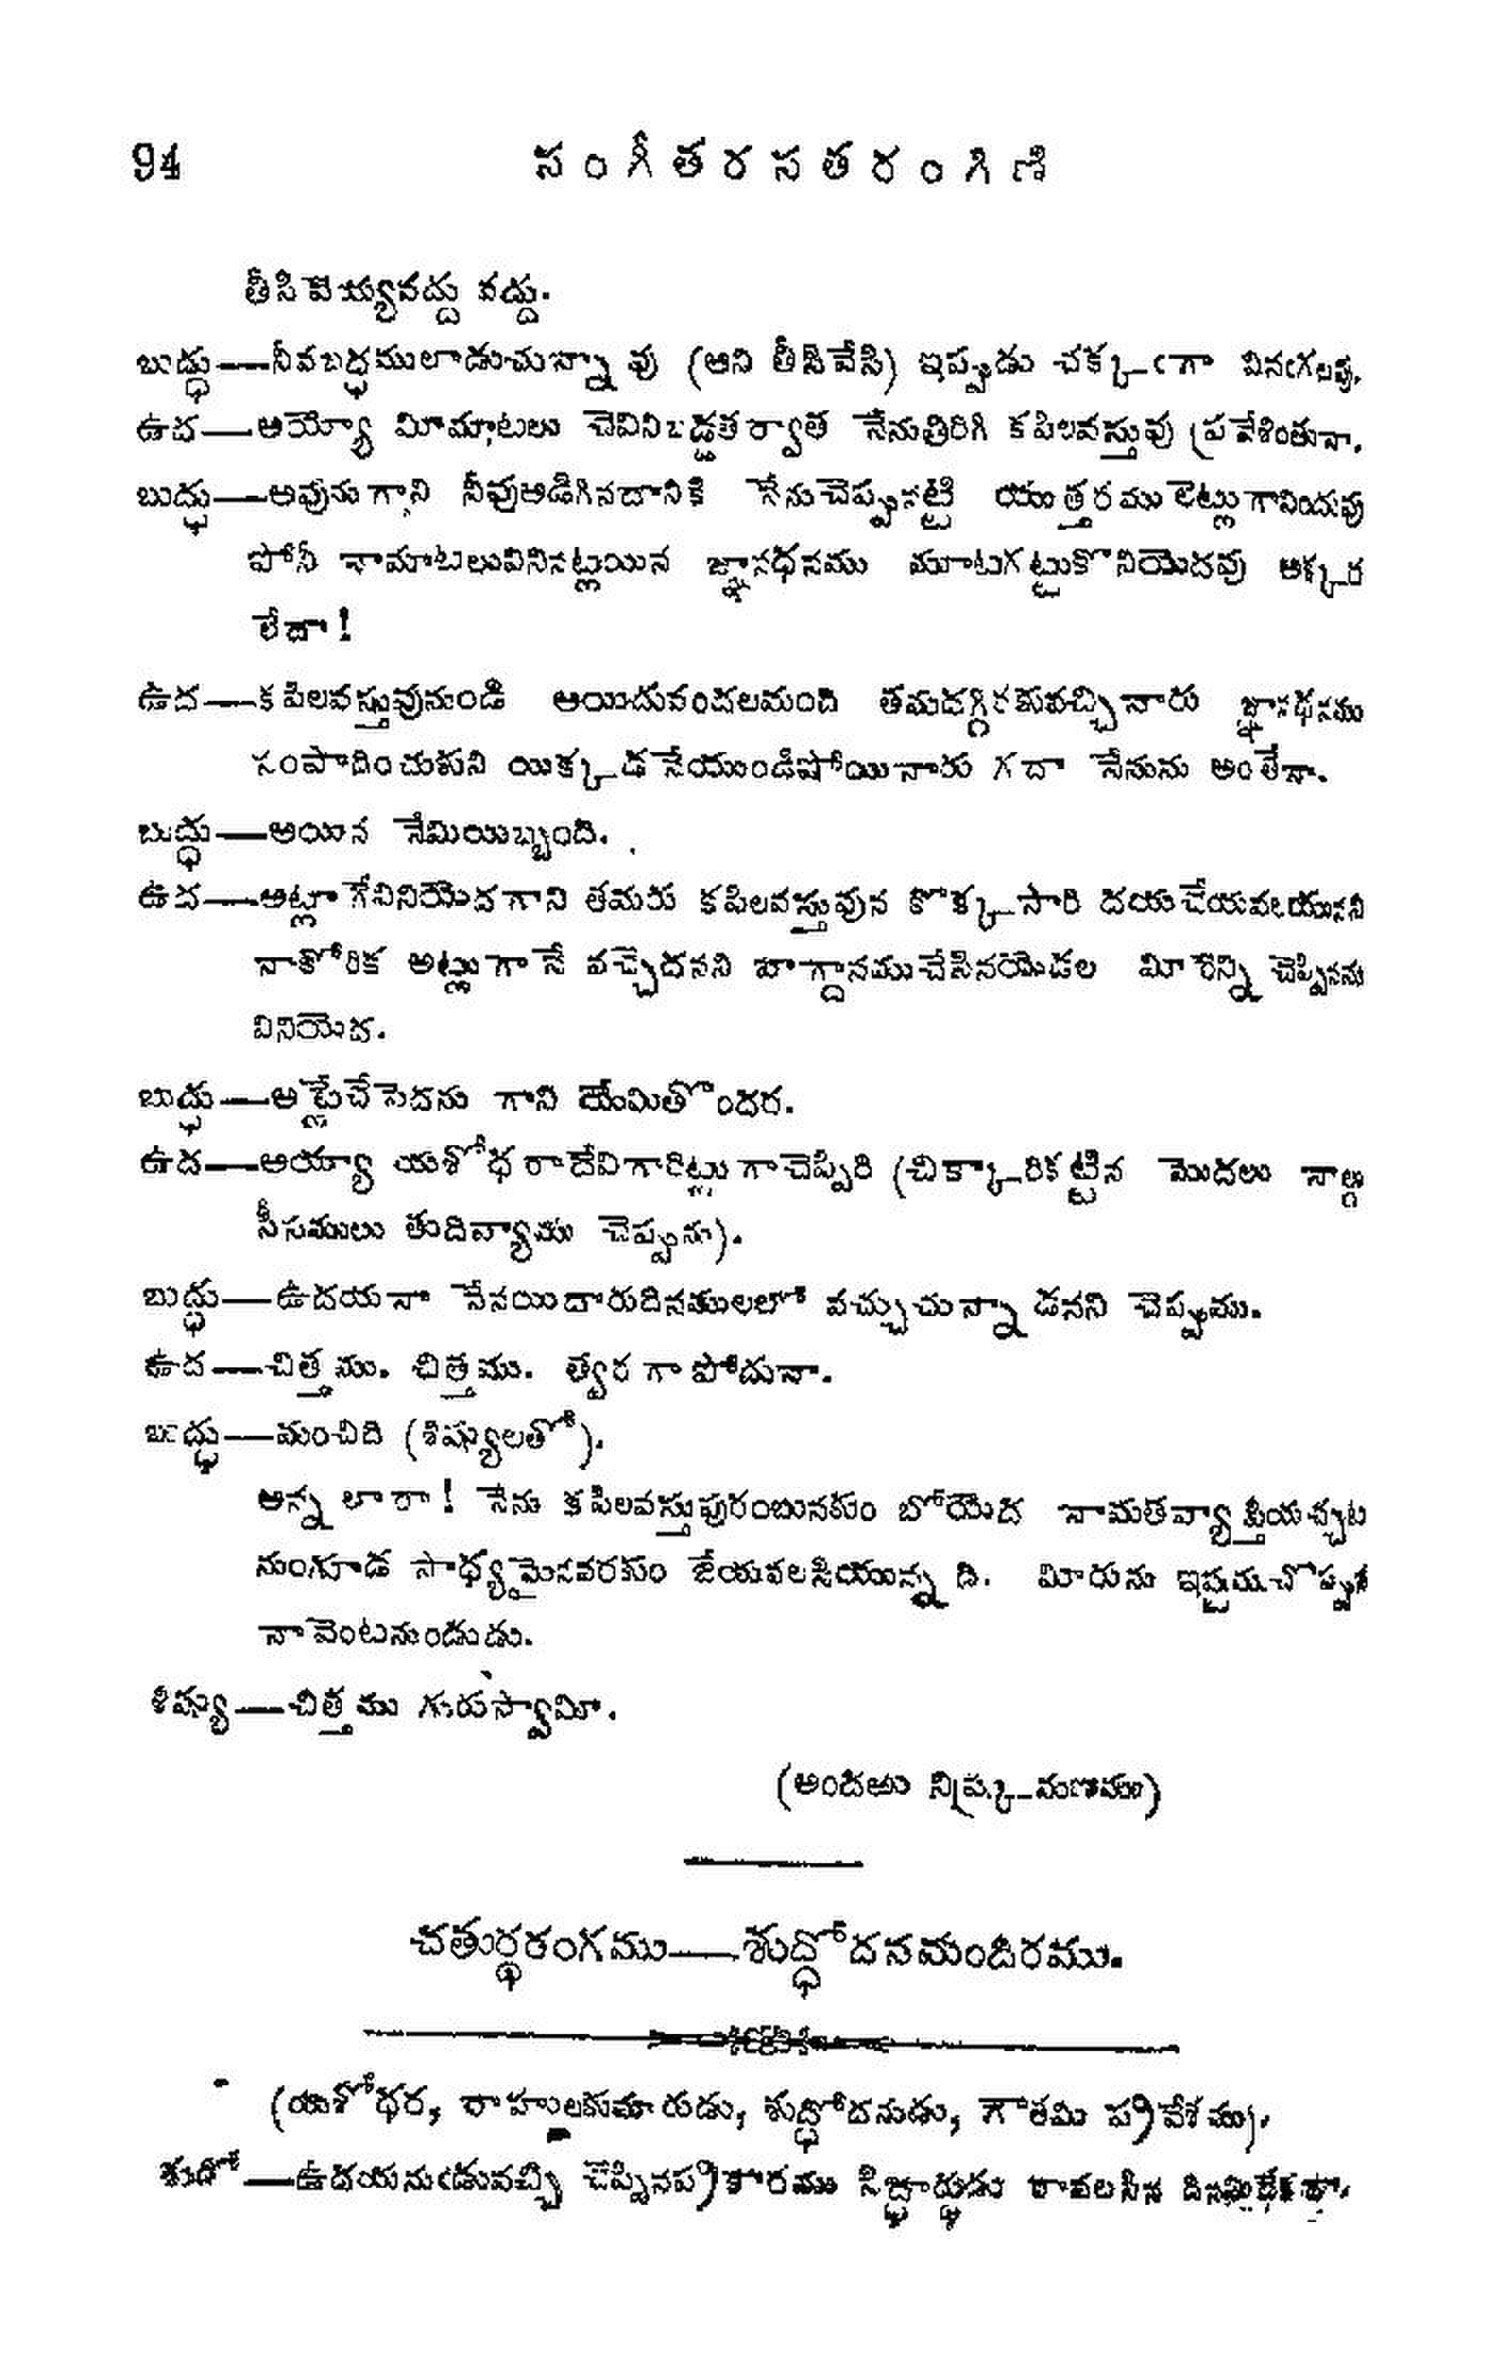తీసివెయ్యవద్దు వద్దు.

బుద్ధు - నీవబద్ధములాడుచున్నావు (అని తీసివేసి) ఇప్పుడు చక్కఁగా వినగలవు,

ఉద — అయ్యో మీమాటలు చెవినిబడ్డాకతర్వాత నేనుతిరిగి కపిలవస్తువు ప్రవేశింతునా.

బుద్ధు — అవును గాని నీవు ఆడిగినదానికి నేనుచెప్పునట్టి యుత్తరములెట్లు గానిందువు పోనీ నామాటలువినినట్లయిన జ్ఞానధనము మూటగట్టుకొనియెదవు అక్కర లేదా! 

ఉద - కపిలవస్తువునుండి అయిదువందలమంది తమదగ్గరకువచ్చినారు జ్ఞానధనము సంపాదించుకుని యిక్కడనే
యుండిపోయినారు గదా నేనును అంతేనా.

బుద్ధు - అయిన నేమియిబ్బంది. 

ఉద — అట్లాగే వినియెదగాని తమరు కపిలవస్తువున కొక్కసారి దయచేయవలయునని నాకోరిక అట్లుగానే వచ్చేదనని 
వాగ్దానము చేసినయెడల మీరెన్ని చెప్పినను వినియెద. 

బుద్ధు — అట్లే చేసెదను గాని యేమితొందర.

ఉద - అయ్యా యశోధరాదేవిగారిట్లుగాచెప్పిరి (చిక్కారికట్టిన మొదలు నాల్గసీసములు తుదివ్యాము చెప్పును).

బుద్ధు - ఉదయనా నేనయిదారుదినములలో వచ్చుచున్నాడనని చెప్పుము.

ఉద - చిత్తము, చిత్తము. త్వరగా పోదునా.

బుద్దు — మంచిది (శిష్యులతో).

అన్నలారా! నేను కపిలవస్తుపురంబునకుం బోయెద నామతవ్యాప్తియచ్చటసుంగూడ సాధ్యమైనవరకుం జేయవలసియున్నది.
మీరును ఇష్టముచొప్పన నా వెంటనుండుడు. 

శిష్యు — చిత్తము గురుస్వామి.

 

శుద్దో - ఉదయనుఁడువచ్చి చెప్పినప్రకారము సిద్ధార్థుడు రావలసిన దీని దినమేకదా.